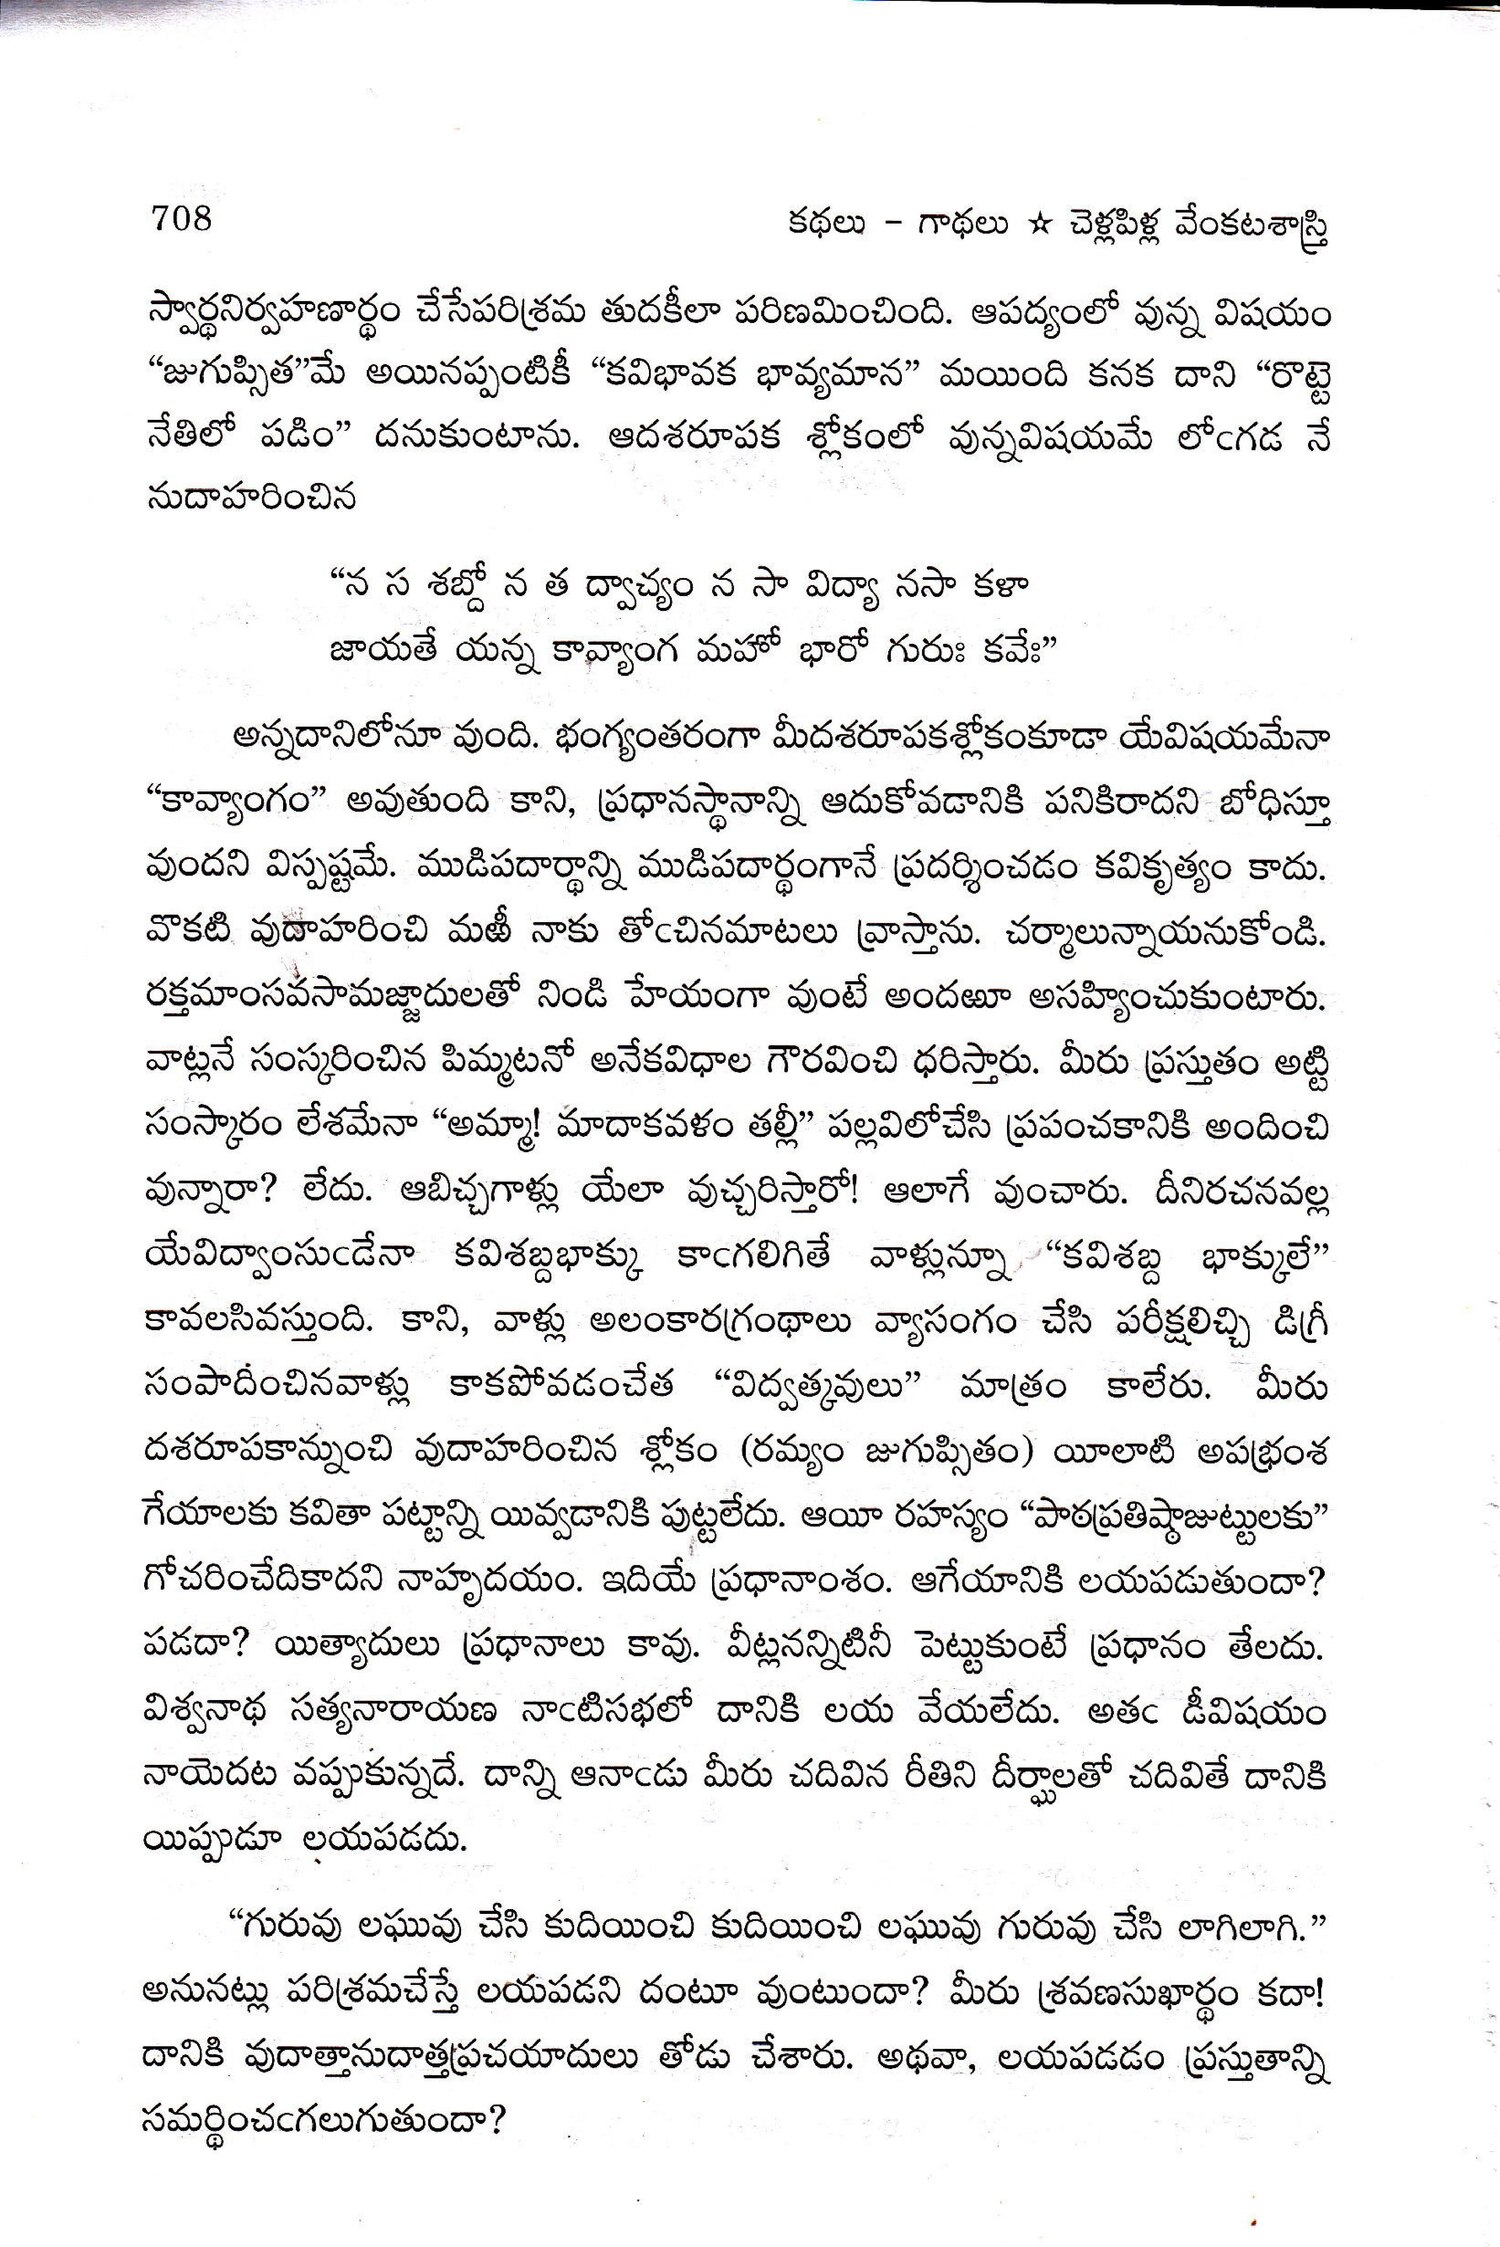స్వార్థనిర్వహణార్థం చేసేపరిశ్రమ తుదకీలా పరిణమించింది. ఆపద్యంలో వున్న విషయం “జుగుప్పిత"మే అయినప్పంటికీ “కవిభావక భావ్యమాన” మయింది కనక దాని "రొట్టె నేతిలో పడిం” దనుకుంటాను. ఆదశరూపక శ్లోకంలో వున్నవిషయమే లోఁగడ నే నుదాహరించిన

“న స శబ్లో న త ద్వాచ్యం న సా విద్యా నసా కళా 
 జాయతే యన్న కావ్యాంగ మహో భారో గురుః కవేః"
అన్నదానిలోనూ వుంది. భంగ్యంతరంగా మీదశరూపకశ్లోకంకూడా యేవిషయమేనా "కావ్యాంగం" అవుతుంది కాని, ప్రధానస్థానాన్ని ఆదుకోవడానికి పనికిరాదని బోధిస్తూ వుందని విస్పష్టమే. ముడిపదార్థాన్ని ముడిపదార్థంగానే ప్రదర్శించడం కవికృత్యం కాదు. వొకటి వుదాహరించి మఱీ నాకు తోఁచినమాటలు వ్రాస్తాను. చర్మాలున్నాయనుకోండి. రక్తమాంసవసామజ్జాదులతో నిండి హేయంగా వుంటే అందఱూ అసహ్యించుకుంటారు. వాట్లనే సంస్కరించిన పిమ్మటనో అనేకవిధాల గౌరవించి ధరిస్తారు. మీరు ప్రస్తుతం అట్టి సంస్కారం లేశమేనా "అమ్మా! మాదాకవళం తల్లీ" పల్లవిలోచేసి ప్రపంచకానికి అందించి వున్నారా? లేదు. ఆబిచ్చగాళ్లు యేలా వుచ్చరిస్తారో ఆలాగే వుంచారు. దీనిరచనవల్ల యేవిద్వాంసుఁడేనా కవిశబ్దభాక్కు కాఁగలిగితే వాళ్లున్నూ, “కవిశబ్ద భాక్కులే" కావలసివస్తుంది. కాని, వాళ్లు అలంకారగ్రంథాలు వ్యాసంగం చేసి పరీక్షలిచ్చి డిగ్రీ సంపాదీంచినవాళ్లు కాకపోవడంచేత “విద్వత్కవులు” మాత్రం కాలేరు. మీరు దశరూపకాన్నుంచి వుదాహరించిన శ్లోకం (రమ్యం జుగుప్సితం) యీలాటి అపభ్రంశ గేయాలకు కవితా పట్టాన్ని యివ్వడానికి పుట్టలేదు. ఆయీ రహస్యం "పాఠప్రతిష్ఠాజుట్టులకు" గోచరించేదికాదని నాహృదయం. ఇదియే ప్రధానాంశం. ఆగేయానికి లయపడుతుందా? పడదా? యిత్యాదులు ప్రధానాలు కావు. వీట్లనన్నిటినీ పెట్టుకుంటే ప్రధానం తేలదు. విశ్వనాథ సత్యనారాయణ నాఁటిసభలో దానికి లయ వేయలేదు. అతఁ డీవిషయం నాయెదట వప్పుకున్నదే. దాన్ని ఆనాఁడు మీరు చదివిన రీతిని దీర్ఘాలతో చదివితే దానికి యిప్పుడూ లయపడదు.

"గురువు లఘువు చేసి కుదియించి కుదియించి లఘువు గురువు చేసి లాగిలాగి." అనునట్లు పరిశ్రమచేస్తే లయపడని దంటూ వుంటుందా? మీరు శ్రవణసుఖార్థం కదా! దానికి వుదాత్తానుదాత్తప్రచయాదులు తోడు చేశారు. అథవా, లయపడడం ప్రస్తుతాన్ని సమర్ధించంగలుగుతుందా?